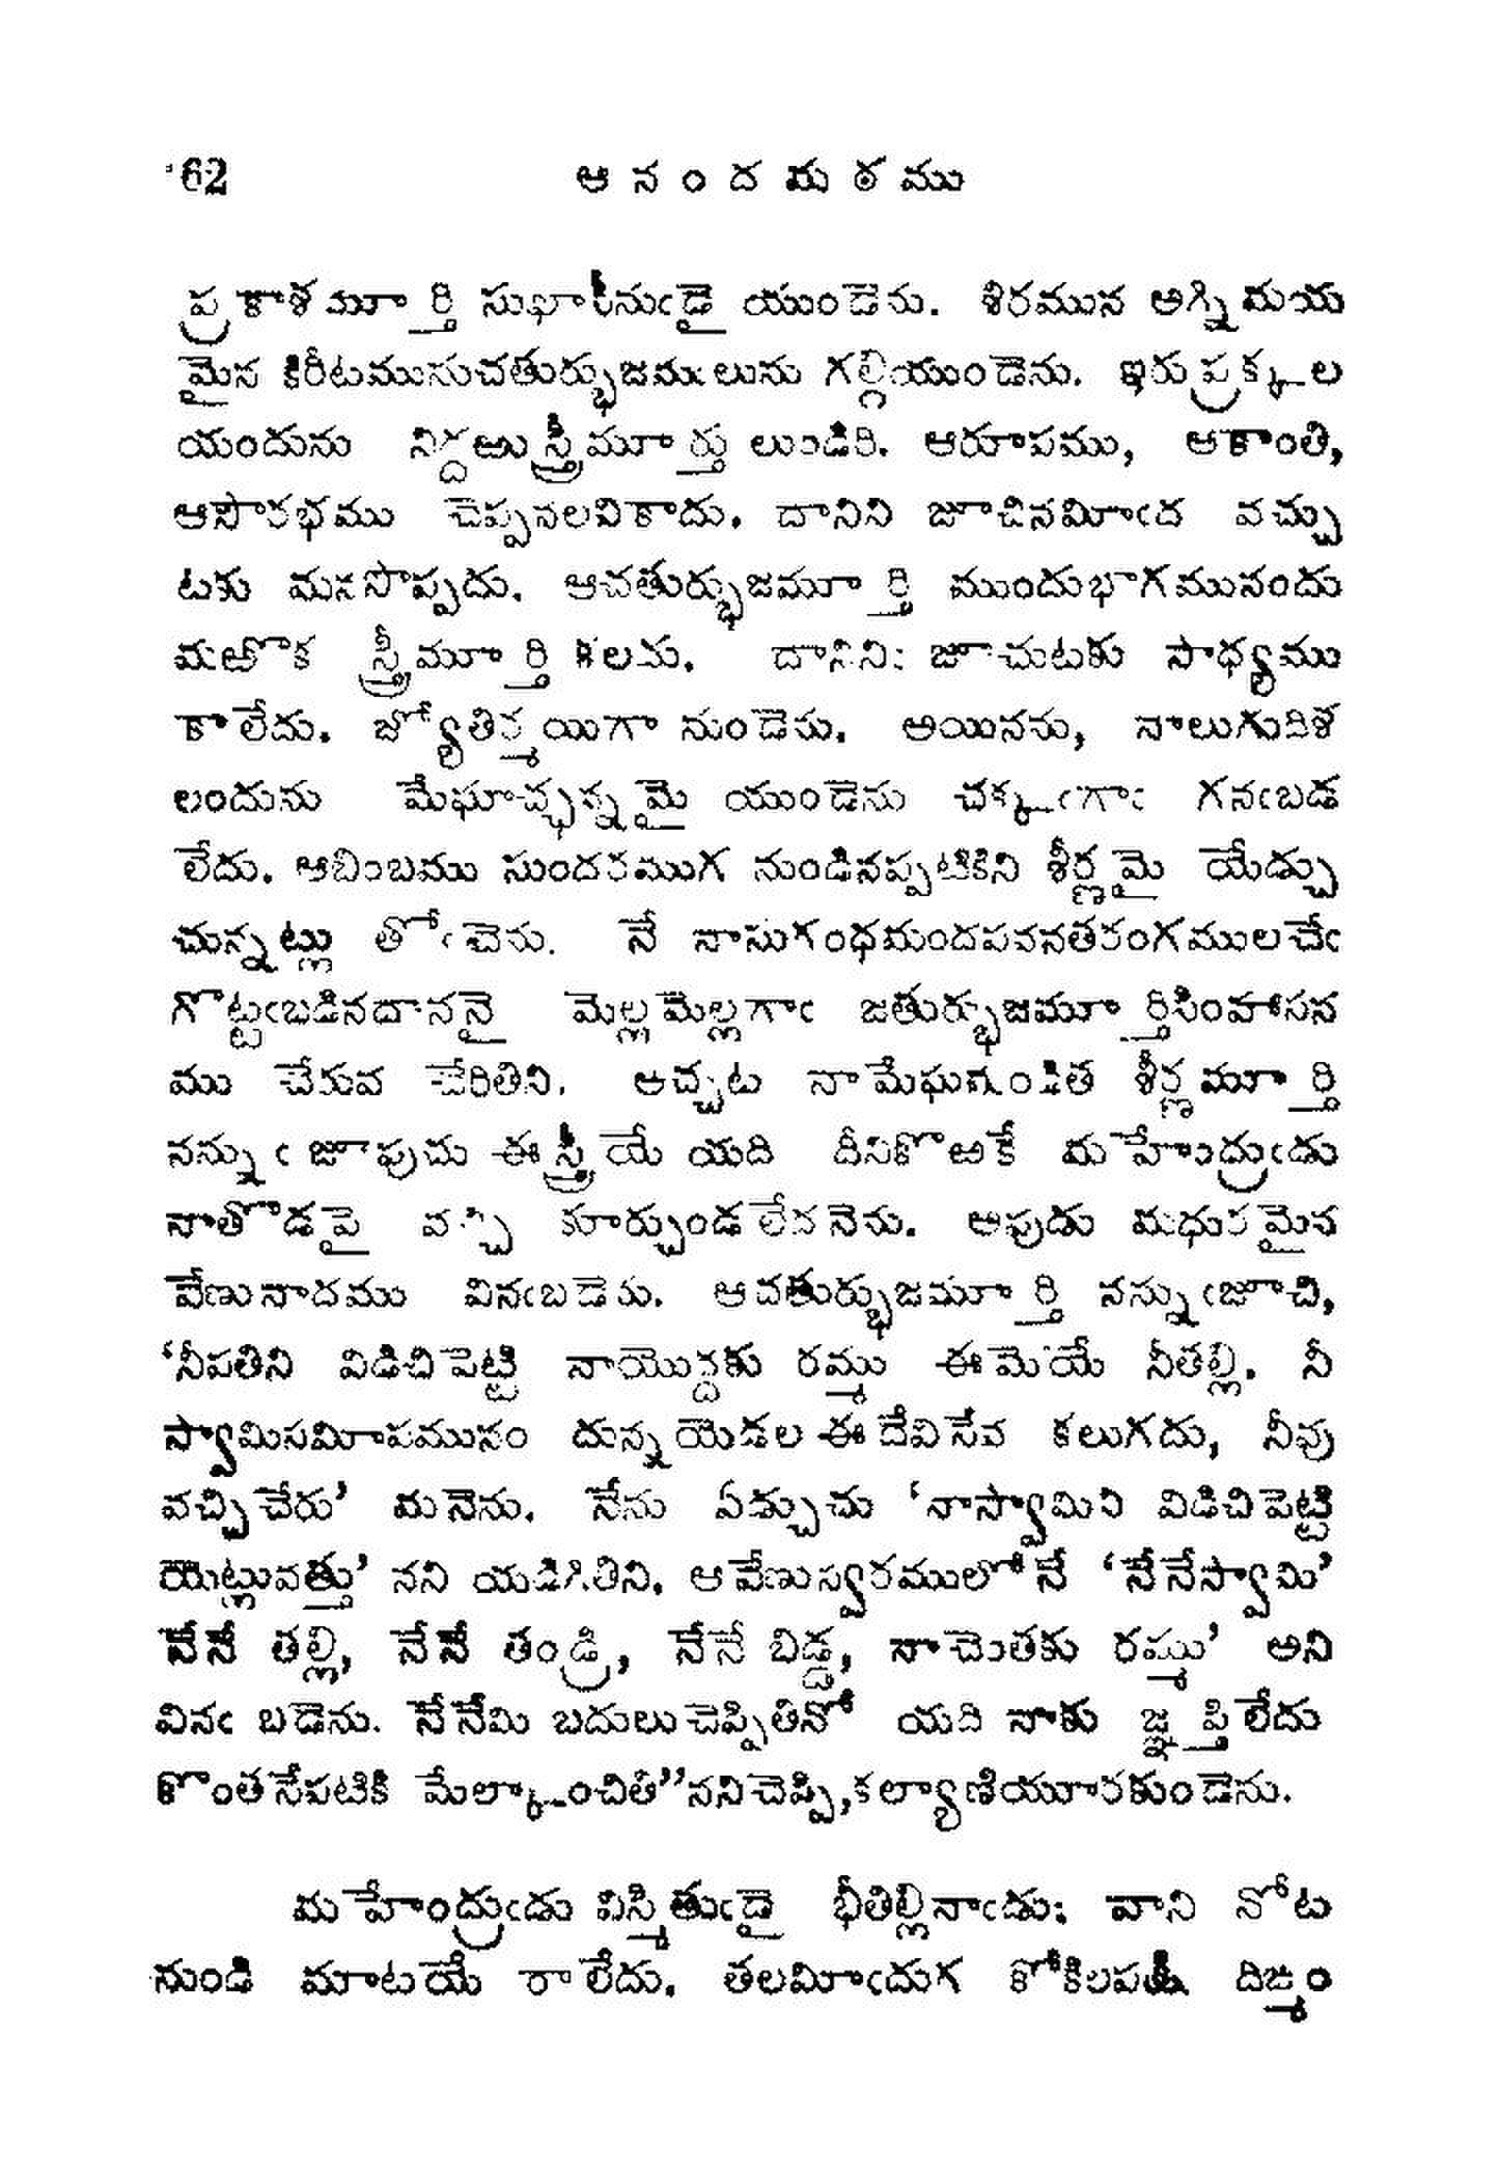ప్రకాశ మూర్తి సుఖాసీనుఁడై యుండెను. శిరమున అగ్నిమయమైన కిరీటమును చతుర్భుజములును గల్గియుండెను. ఇరు ప్రక్కల
యందును నిద్దఱు స్త్రీ మూర్తులుండిరి. ఆరూపము, ఆకాంతి, ఆసౌరభము చెప్పనలవి కాదు. దానిని జూచిన మీఁద వచ్చుటకు మనసొప్పదు, ఆచతుర్భుజమూర్తి ముందుభాగమునందు మఱోక స్త్రీ మూర్తి కలదు. దానిని: జూచుటకు సాధ్యము కాలేదు.
జ్యోతిర్మయిగా నుండెను. అయినను, నాలుగుదిశ లందును మేఘాచ్ఛన్నమై యుండెను చక్కఁగా గనఁబడ లేదు. ఆబింబము సుందరముగ నుండినప్పటికిని శీర్ణమై యేడ్చుచున్నట్లు తోఁ చెరు. నే నాసుగంధ మందపవనతరంగములచేఁ గొట్టఁబడినదాననై మెల్ల మెల్లగాఁ జతుర్బుజమూ ర్తిసింహాసనము చేరువ చేరితిని. అచ్చట నా మేఘమడిత శీర్ణ మూర్తి నన్నుఁ జూపుచు ఈ స్త్రీ యే యది దీనికొఱకే మహేంద్రుఁడు నాతొడపై వచ్చి కూర్చుండ లేదనెను. అపుడు మధురమైన వేణు నాదము వినఁబడెను. ఆ చతుర్భుజమూర్తీ నన్నుఁజూచి,
'నీపతిని విడిచి పెట్టి నాయొద్దకు రమ్ము ఈమెయే నీతల్లి, నీ స్వామిసమిపమునం దున్న యెడల ఈ దేవి సేవ కలుగదు, నీవు
వచ్చి చేరు' మనెను. నేను ఏడ్చుచు 'నాస్వామిని విడిచి పెట్టి యెట్టువత్తు' నని యడిగితిని. ఆ వేణు స్వరములోనే 'నేనే స్వామి
నేనే తల్లి, నేనే తండ్రి, నేనే బిడ్డ, నా చెంతకు రమ్ము' అని వినఁ బడెను. "నేనేమి బదులు చెప్పితినో యది నాకు జ్ఞప్తి లేదు
కొంత సేపటికి మేల్కాంచితి”నని చెప్పి, కల్యాణియూరకుండెను.

మహేంద్రుఁడు విస్మితుఁడై భీతిల్లినాఁడు; వాని నోట నుండి మాటయే రాలేదు. తలమీఁదుగ కోకిలపక్షి దిజ్ముం